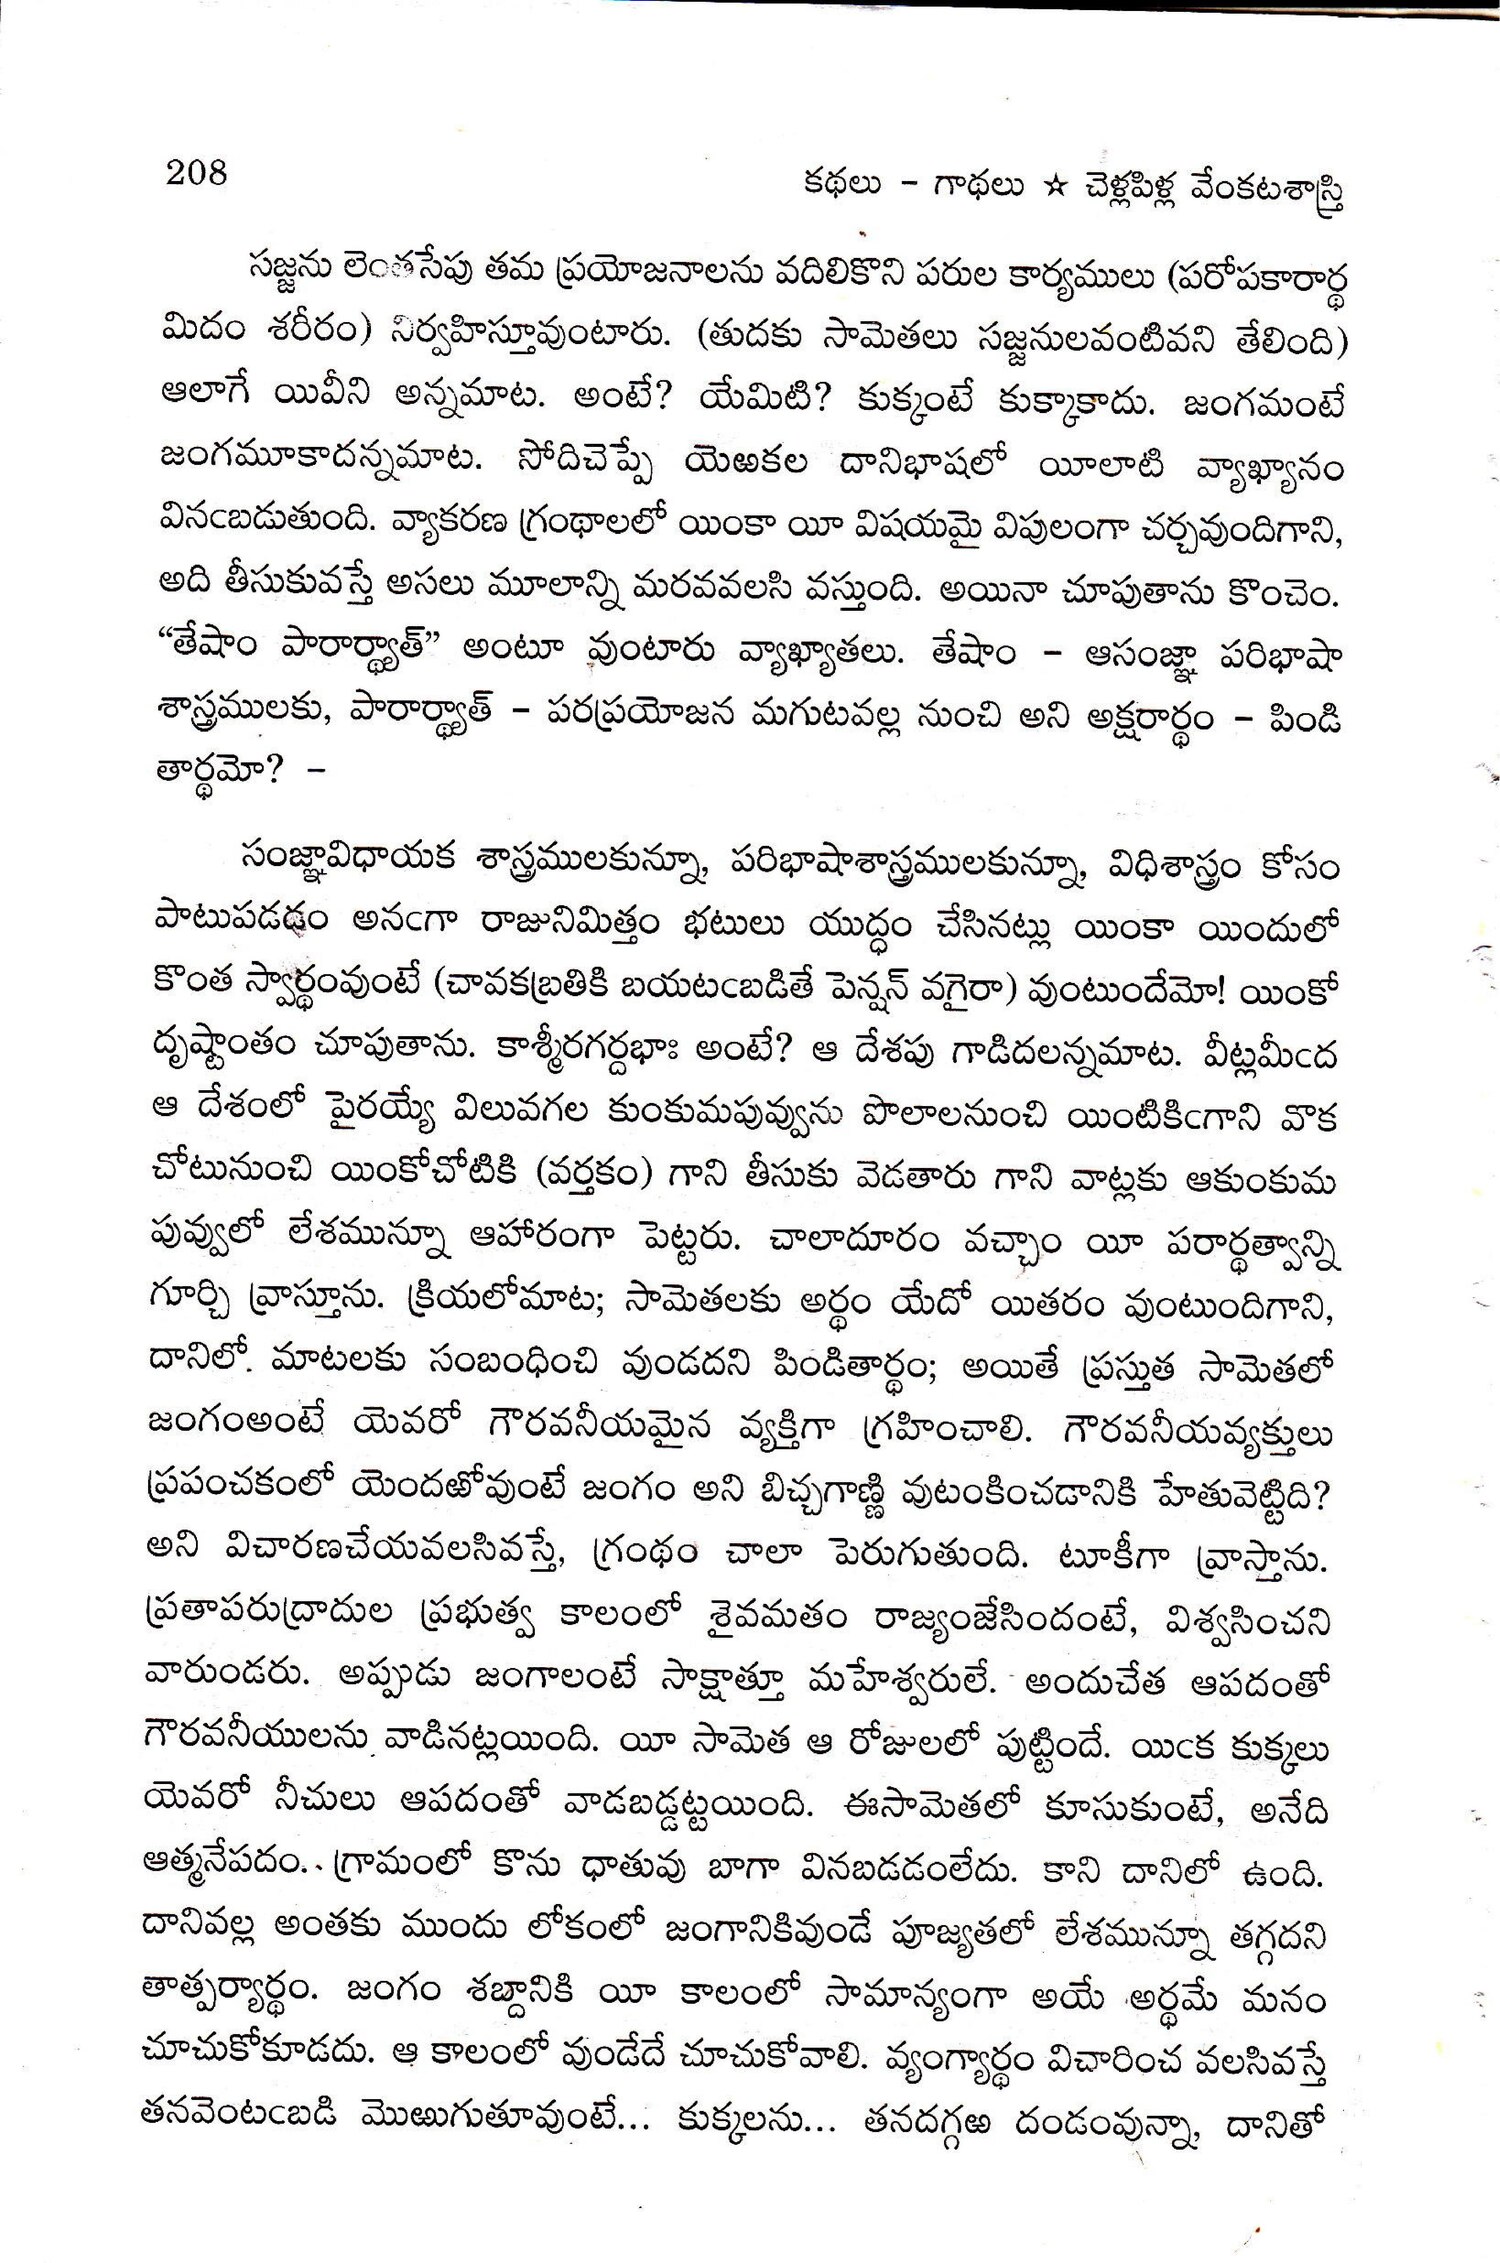సజ్జను లెంతసేపు తమ ప్రయోజనాలను వదిలికొని పరుల కార్యములు (పరోపకారార్థ మిదం శరీరం) నిర్వహిస్తూవుంటారు. (తుదకు సామెతలు సజ్జనులవంటివని తేలింది) ఆలాగే యివీని అన్నమాట. అంటే? యేమిటి? కుక్కంటే కుక్కాకాదు. జంగమంటే జంగమూకాదన్నమాట. సోదిచెప్పే యెఱకల దాని భాషలో యీలాటి వ్యాఖ్యానం వినఁబడుతుంది. వ్యాకరణ గ్రంథాలలో యింకా యీ విషయమై విపులంగా చర్చవుందిగాని, అది తీసుకువస్తే అసలు మూలాన్ని మరవవలసి వస్తుంది. అయినా చూపుతాను కొంచెం. “తేషాం పారార్ధ్యాత్" అంటూ వుంటారు వ్యాఖ్యాతలు. తేషాం - ఆసంజ్ఞా పరిభాషా శాస్త్రములకు, పారార్ధ్యాత్ - పరప్రయోజన మగుటవల్ల నుంచి అని అక్షరార్ధం - పిండి తార్థమో? -

సంజ్ఞావిధాయక శాస్త్రములకున్నూ, పరిభాషాశాస్త్రములకున్నూ, విధిశాస్త్రం కోసం పాటుపడడం అనఁగా రాజునిమిత్తం భటులు యుద్ధం చేసినట్లు యింకా యిందులో కొంత స్వార్ధంవుంటే (చావకబ్రతికి బయటcబడితే పెన్షన్ వగైరా) వుంటుందేమో! యింకో దృష్టాంతం చూపుతాను. కాశ్మీరగర్ణభాః అంటే? ఆ దేశపు గాడిదలన్నమాట. వీట్లమీఁద ఆ దేశంలో పైరయ్యే విలువగల కుంకుమపువ్వును పొలాలనుంచి యింటికిఁగాని వొక చోటునుంచి యింకోచోటికి (వర్తకం) గాని తీసుకు వెడతారు గాని వాట్లకు ఆకుంకుమ పువ్వులో లేశమున్నూ ఆహారంగా పెట్టరు. చాలాదూరం వచ్చాం యీ పరార్ధత్వాన్ని గూర్చి వ్రాస్తూను. క్రియలోమాట; సామెతలకు అర్థం యేదో యితరం వుంటుందిగాని, దానిలో మాటలకు సంబంధించి వుండదని పిండితార్థం; అయితే ప్రస్తుత సామెతలో జంగంఅంటే యెవరో గౌరవనీయమైన వ్యక్తిగా గ్రహించాలి. గౌరవనీయవ్యక్తులు ప్రపంచకంలో యెందఱోవుంటే జంగం అని బిచ్చగాణ్ణి వుటంకించడానికి హేతువెట్టిది? అని విచారణచేయవలసివస్తే, గ్రంథం చాలా పెరుగుతుంది. టూకీగా వ్రాస్తాను. ప్రతాపరుద్రాదుల ప్రభుత్వ కాలంలో శైవమతం రాజ్యంజేసిందంటే, విశ్వసించని వారుండరు. అప్పుడు జంగాలంటే సాక్షాత్తూ మహేశ్వరులే. అందుచేత ఆపదంతో గౌరవనీయులను వాడినట్లయింది. యీ సామెత ఆ రోజులలో పుట్టిందే. యిఁక కుక్కలు యెవరో నీచులు ఆపదంతో వాడబడ్డట్టయింది. ఈసామెతలో కూసుకుంటే, అనేది ఆత్మనేపదం. గ్రామంలో కొను ధాతువు బాగా వినబడడంలేదు. కాని దానిలో ఉంది. దానివల్ల అంతకు ముందు లోకంలో జంగానికివుండే పూజ్యతలో లేశమున్నూ తగ్గదని తాత్పర్యార్థం. జంగం శబ్దానికి యీ కాలంలో సామాన్యంగా అయే అర్థమే మనం చూచుకోకూడదు. ఆ కాలంలో వుండేదే చూచుకోవాలి. వ్యంగ్యార్థం విచారించ వలసివస్తే తనవెంటఁబడి మొఱుగుతూవుంటే... కుక్కలను... తనదగ్గఱ దండంవున్నా దానితో